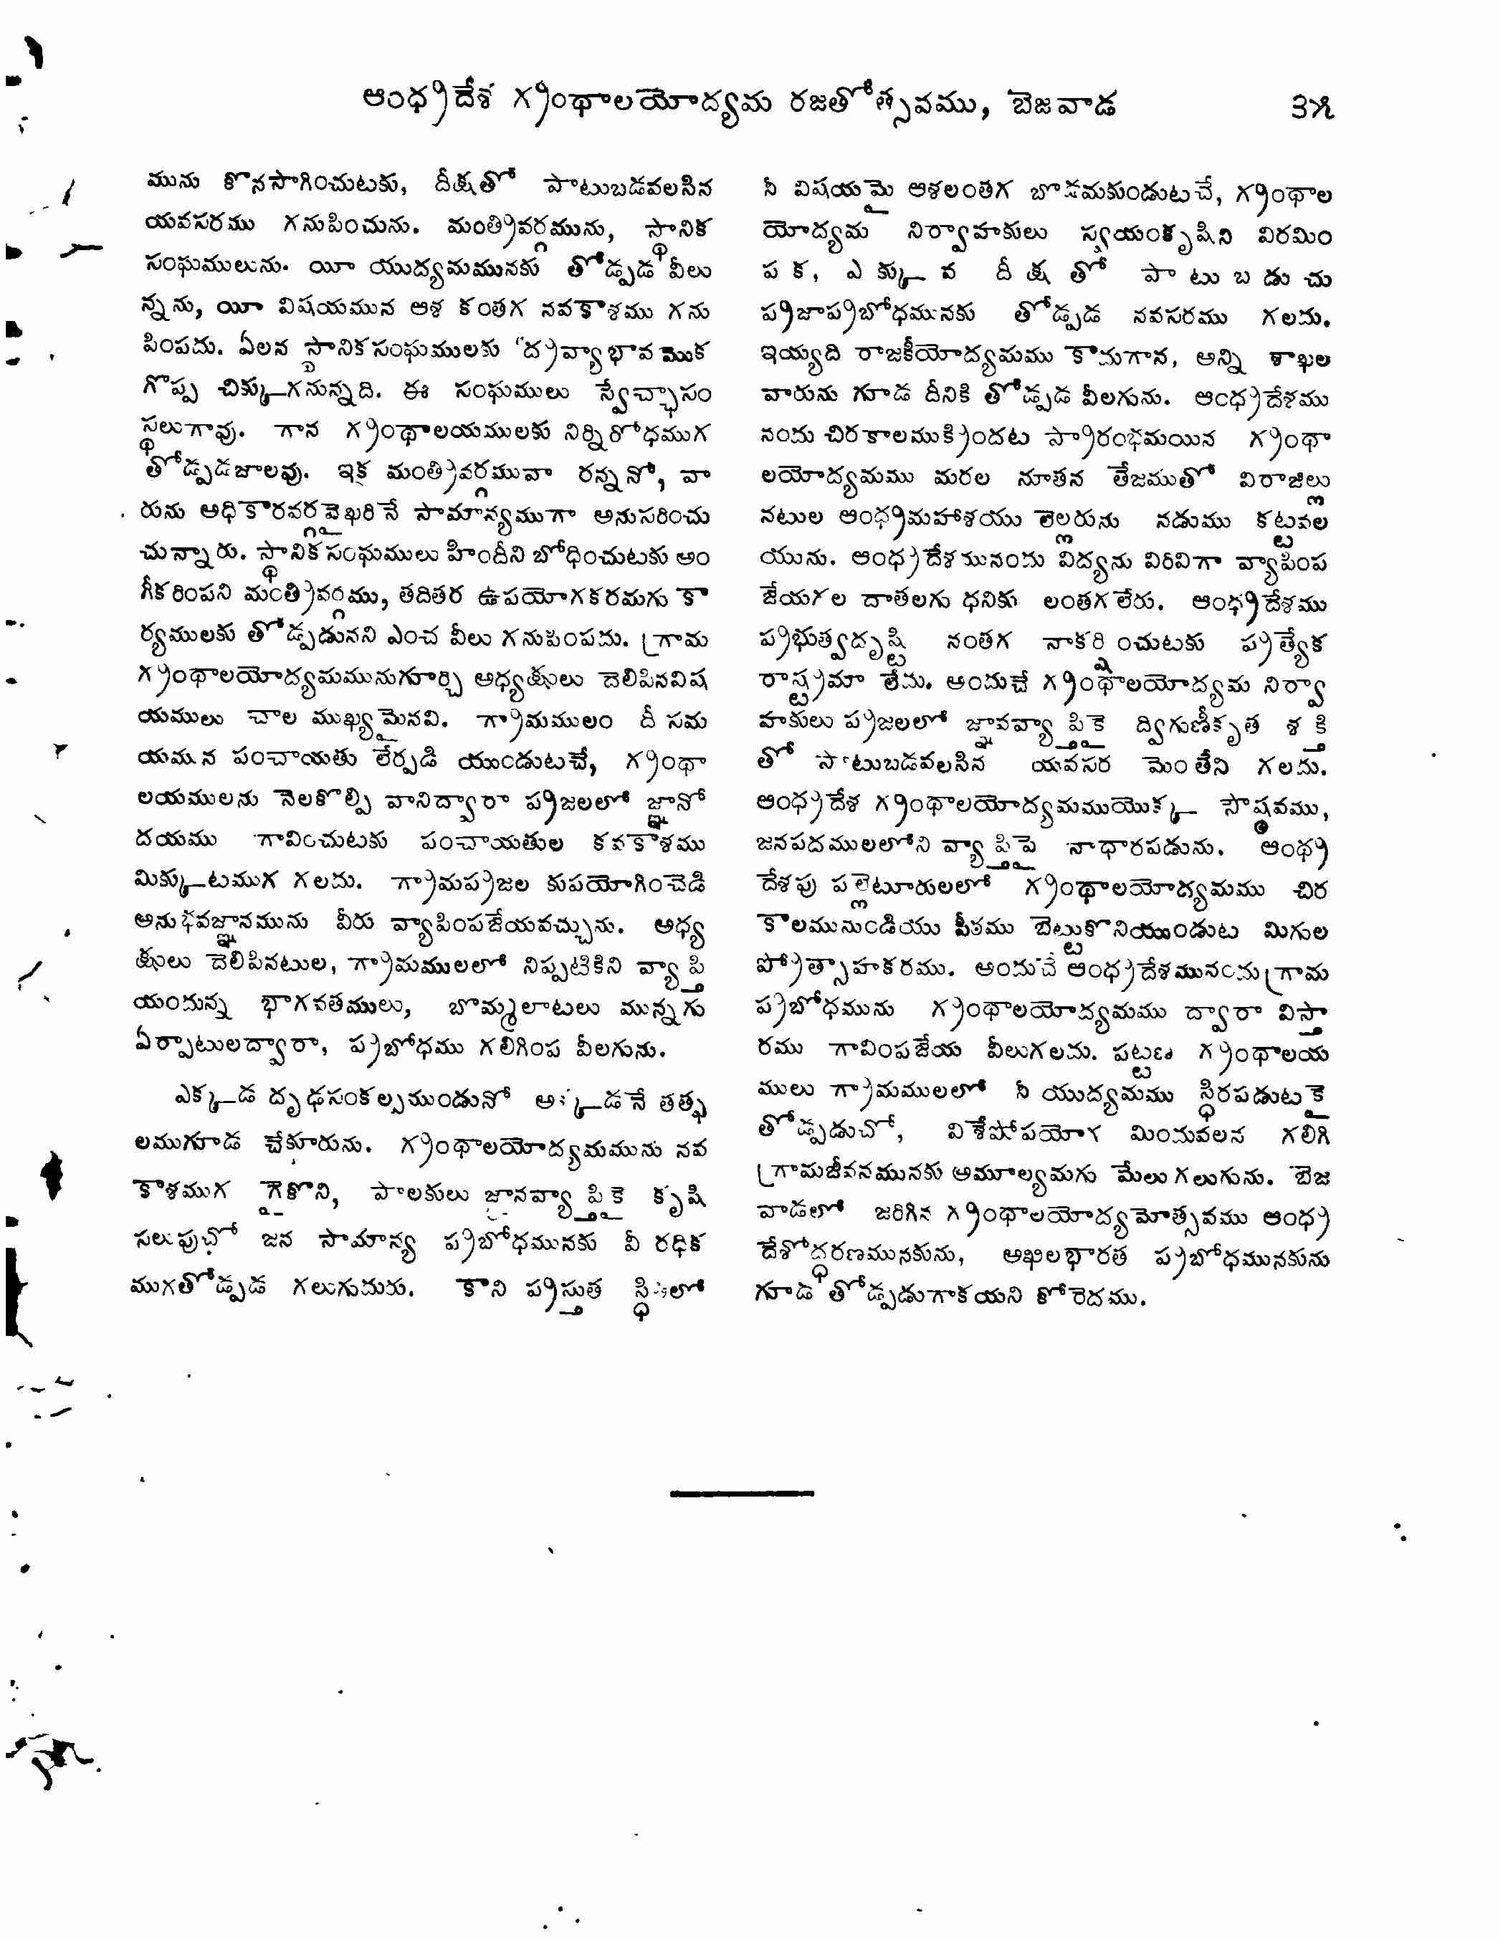మును కొనసాగించుటకు, దీక్షతో పాటుబడవలసిన యవసరము గనుపించును. మంత్రివర్గమును, స్థానిక సంఘములును, యీ యుద్యమమునకు తోడ్పడ వీలున్నను, యీ విషయమున ఆశ కంతగ నవకాశము గనుపింపదు. ఏలన స్థానిక సంఘములకు 
దివ్యాభావమొక గొప్ప చిక్కుగనున్నది. ఈ సంఘములు స్వేచ్ఛాసంస్థలుగావు. గాన గ్రంథాలయములకు నిర్నిరోధముగ తోడ్పడజాలవు. 
ఇక మంత్రి వర్గమువారన్ననో, వారును అధికారవర వైఖరినే సామాన్యముగా అనుసరించుచున్నారు. స్థానిక సంఘములు హిందీని బోధించుటకు అంగీకరింపని మంత్రి వర్గము, తదితర ఉపయోగకరమగు కార్యములకు తోడ్పడునని ఎంచ వీలు గనుపింపదు. గ్రామ
గ్రంథాలయోద్యమమును గూర్చి అధ్యక్షులు తెలిపినవిషయములు చాల ముఖ్యమైనవి. గ్రామములందీ సమయమన పంచాయతు 
లేర్పడి యుండుటచే, గ్రంథాలయములను నెలకొల్పి వానిద్వారా ప్రజలలో జ్ఞానోదయము గావించుటకు పంచాయతుల కవకాశము
మిక్కుటముగ గలదు. గ్రామప్రజల కుపయోగించెడీ అనుభవ జ్ఞానమును వీరు వ్యాపింపజేయవచ్చును. అధ్యక్షులు దెలిపినటుల, గ్రామములలో నిప్పటికిని వ్యాప్తియందున్న భాగవతములు, బొమ్మలాటలు మున్నగు ఏర్పాటులద్వారా, ప్రబోధము గలిగింప వీలగును.

ఎక్కడ దృఢసంకల్పముండునో అక్కడనే తత్ఫలముగూడ చేకూరును. గ్రంథాలయోద్యమమును నవకాశముగ గైకొని, పాలకులు 
జ్ఞానవ్యాప్తికై కృషిసలుపుచో జన సామాన్య ప్రబోధమునకు వీరధికముగతోడ్పడ గలుగుదురు. కాని ప్రస్తుత స్థితిలో నీ విషయమై 
ఆశలంతగ బొడమకుండుటచే, గ్రంథాలయోద్యమ నిర్వాహకులు స్వయంకృషిని విరమింపక, ఎక్కువ దీక్షతో పాటు బడుచు ప్రజాప్రబోధమునకు తోడ్పడ నవసరము గలదు. ఇయ్యది రాజకీయోద్యమము కాదుగాన, అన్ని శాఖలవారును గూడ దీనికి తోడ్పడ వీలగును. ఆంధ్రదేశము నందు చిర కాలము కిందట ప్రారంభమయిన గ్రంథాలయోద్యమము మరల నూతన తేజముతో విరాజిలు 
నటుల ఆంధ్రమహాశయు లెల్లరును నడుము కట్టవలయును. ఆంధ్ర దేశమునందు విద్యను విరివిగా వ్యాపింప జేయగల దాతలగు 
ధనికు అంతగ లేరు. ఆంధ్ర దేశము ప్రభుత్వదృష్టి సంతగ నాకర్షించుటకు ప్రత్యేక రాష్ట్రమా లేదు. అందుచే గ్రంథాలయోద్యమ నిర్వాహకులు ప్రజలలో జ్ఞానవ్యాప్తికై ద్విగుణీకృత శక్తితో పాటుబడవలసిన యవసర మెంతేని గలదు. ఆంధ్రదేశ గ్రంథాలయోద్యమము
యొక్క సౌష్ఠవము, జనపదములలోని వ్యాప్తిపై నాధారపడును. ఆంధ్రదేశపు పల్లెటూరులలో గ్రంథాలయోద్యమము చిరకౌలము 
నుండియు పీఠము బెట్టుకొనియుండుట మిగుల ప్రోత్సాహకరము. అందుచే ఆంధ్ర దేశమునందు గ్రామ ప్రబోధమును 
గ్రంథాలయోద్యమము ద్వారా విస్తారము గావింపజేయ వీలుగలను. పట్టణ గ్రంథాలయములు గ్రామములలో నీ యుద్యమము 
స్దిరపడుటకై తోడ్పడుచో, విశేషోపయోగ మించువలన గలిగి గ్రామ జీవనమునకు అమూల్యమగు మేలు గలుగును. బెజవాడలో జరిగిన గ్రంథాలయోద్యమోత్సవము ఆంధ్రదేశోద్ధరణమునకును, అఖిలభారత ప్రబోధమునకును గూడె తోడ్పడుగాకయని కోరెదము.